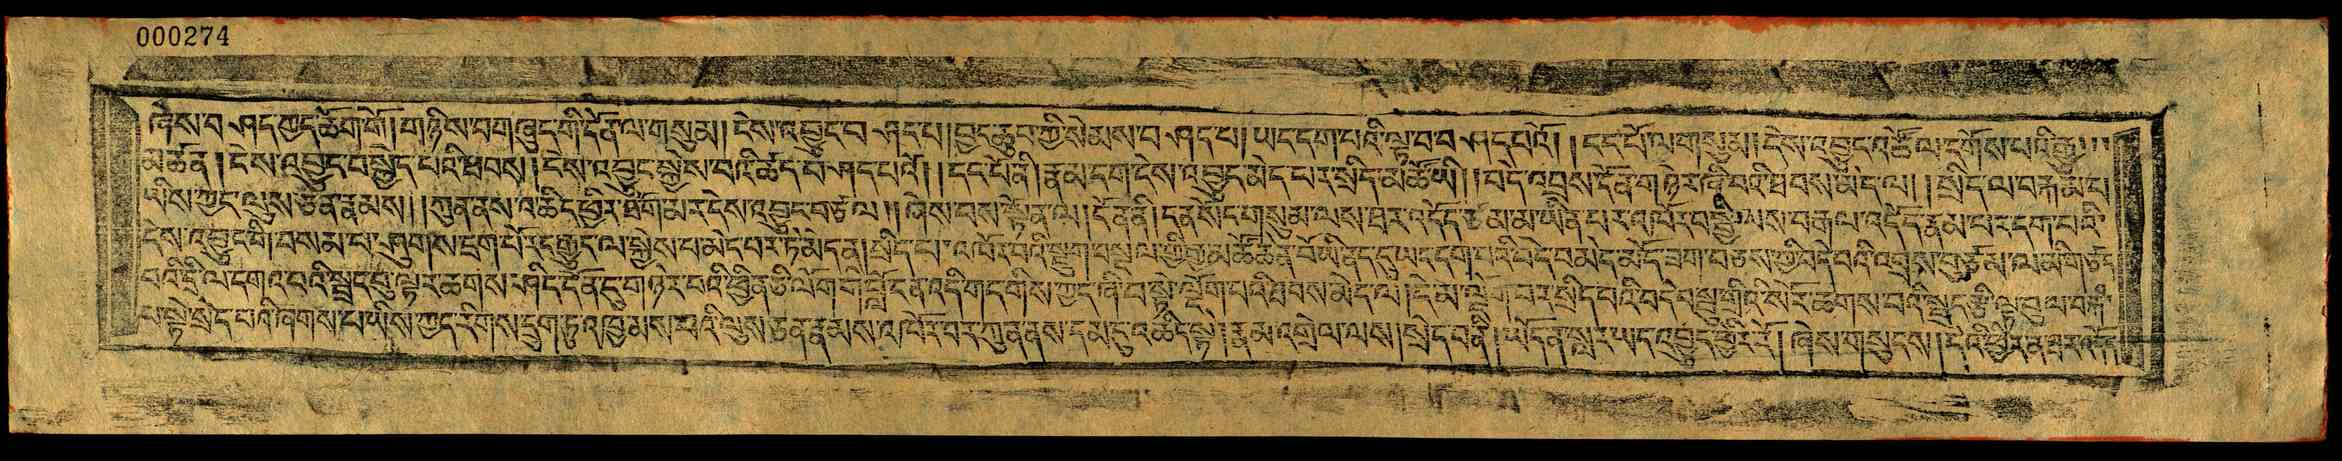ཞེས་བཤད་ཀྱང་ཆོག་གོ། གཉིས་པ་གཞུང་གི་དོན་ལ་གསུམ། ངེས་འབྱུང་བཤད་པ། བྱང་ཆུབ་ཀྱི་སེམས་བཤད་པ། ཡང་དག་བའི་ལྟ་བ་བཤད་པའོ། །དང་པོ་ལ་གསུམ། ངེས་འབྱུང་འཚོལ་དགོས་པའི་རྒྱུ་་་
མཚན། དེས་འབྱུང་བ་སྐྱེད་པའི་ཐབས། ངེས་འབྱུང་སྐྱེས་པའི་ཚད་བཤད་པའོ། །དང་པོ་ནི། རྣམ་དག་དེས་འབྱུང་མེད་པར་སྲིད་མཚོ་ཡི། །བདེ་འབྲས་དོན་གཉེར་ཞི་བའི་ཐབས་མེད་ལ། སྲིད་ལ་བརྐམ་པ་
ཡིས་ཀྱང་ལུས་ཅན་རྣམས། །ཀུན་ནས་འཆིང་ཕྱིར་ཐོག་མར་ངེས་འབྱུང་བཙལ། །ཞེས་པས་སྟོན་ལ། དོན་ནི། ངན་སོང་གསུམ་ལས་ཐར་འདོད་ཙམ་མ་ཡིན་པར་འཁོར་བ་སྤྱི་ལས་བརྒལ་འདོད་རྣམ་པར་དག་པའི་
ངེས་འབྱུང་གི་བསམ་པ་ཤུགས་དྲག་པོ་རང་རྒྱུད་ལ་སྐྱེས་པ་མེད་པར་ཏེ་མེད་ན། སྲིད་པ་་་འཁོར་བའི་སྡུག་བསྔལ་གྱི་རྒྱ་མཚོ་ཆེན་པོ་ཡི་ནང་དུ་ཡང་དག་པའི་བདེ་བ་མེད་མོད་ཟག་བཅས་ཀྱི་བདེ་པའི་འབྲས་བུ་ཙམ་ལ་མི་གཙང་
བའི་དྲི་ལ་དགའ་བའི་སྦྲང་བུ་ལྟར་ཆགས་ཤིང་དོན་དུ་གཉེར་བའི་ཕྱིན་ཅི་ལོག་གི་བློ་རན་འདི་གང་གིས་ཀྱང་ཞི་བ་སྟེ་ལྡོག་པའི་ཐབས་མེད་ལ། དེ་མ་ལྡོག་པར་སྲིད་པའི་བདེ་བ་སྤུ་གྲིའི་སོར་ཆགས་པའི་སྦྲང་རྩི་ལྟ་བུ་ལ་བརྐཾ་
པ་སྟེ་སྲེད་པའི་ཞགས་པ་ཡིས་ཀྱང་རིགས་དྲུག་ཏུ་འཁྱམས་པའི་ལུས་ཅན་རྣམས་འཁོར་བར་ཀུན་ནས་དམ་དུ་འཆིང་སྟེ། རྣམ་འགྲེལ་ལས། སྲེད་པ་ནི། ཡོད་ན་སླར་ཡང་འབྱུང་ཕྱིར་རོ། ཞེས་གསུངས། དེའི་ཕྱིར་ན་ཐར་འདོད་